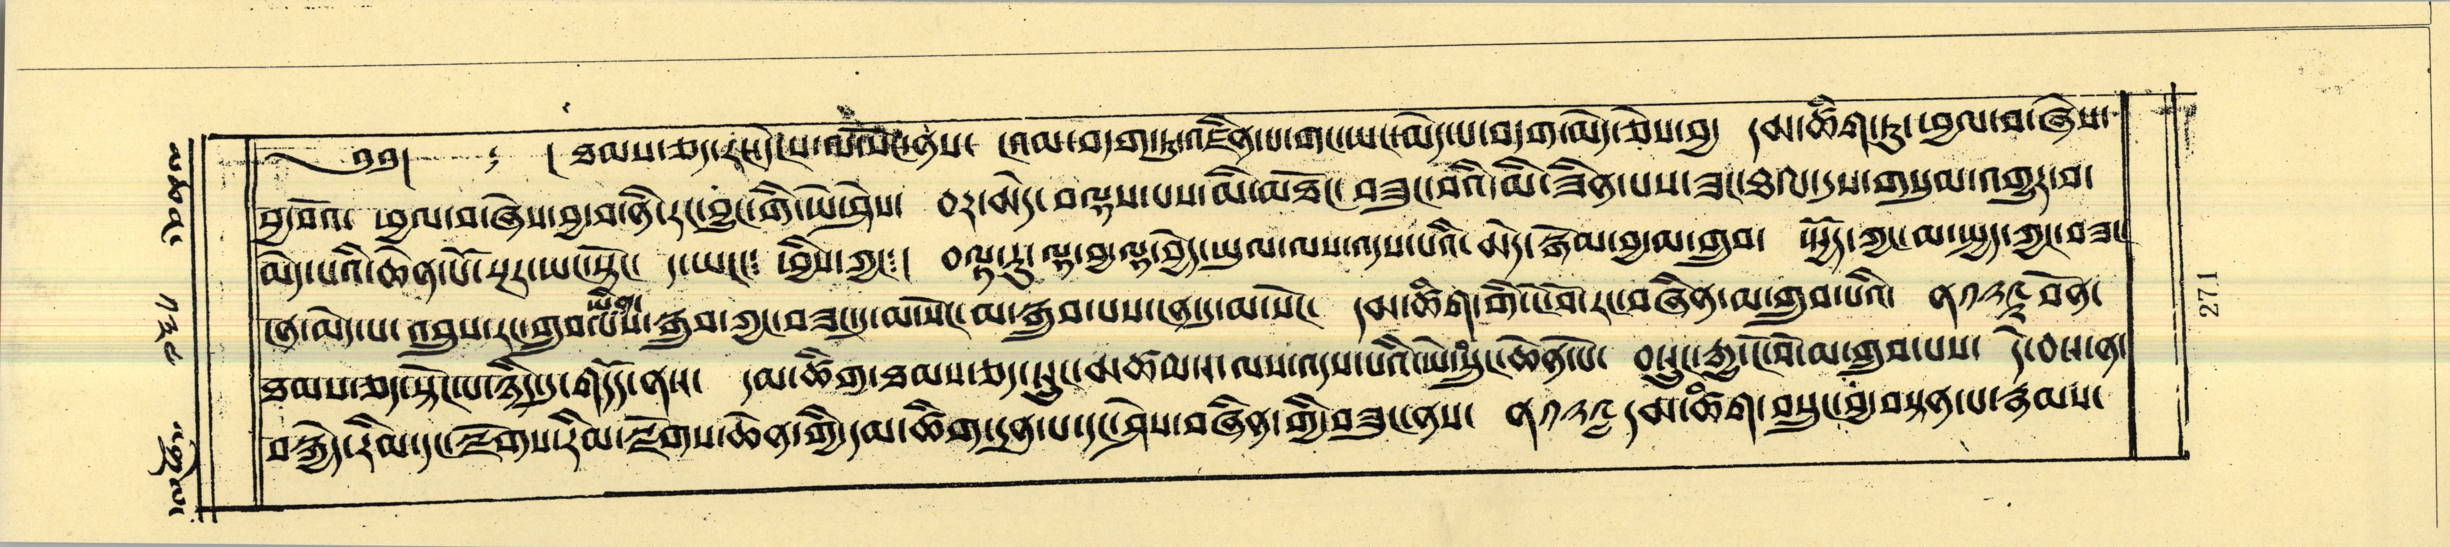ཐམས་ཅད་རང་དེངས་ལ་སོང་ནས། ང་འམ་བདག་ཏུ་འཛིན་པ་གང་ཡང་མེད་པ་བདག་མེད་ཅེས་བྱ། ༼དམ་ཚིག་ཏུ་༽ཕྱལ་བ་ཞེས་
བྱ་བའོ། ཕྱལ་བ་ཞེས་བྱ་བ་ནི་རང་བྱུང་གི་ཡེ་ཤེས། ༼བར་མེད་༽བལྟས་པས་མི་མཐོང་བཟུང་བའི་མི་ཟིན་པས་ ༼ཟང་ཐལ་༽དུས་གསུམ་འགྱུར་བ་
མེད་པའི་ ༼ཆེན་པོ་༽སྔར་ཡང་སྟོང། ད་ཡང་་། ཕྱིས་ཀྱང་་། ༼བལྟ་རུ་༽ལྟ་བྱ་ལྟ་བྱེད་ཡུལ་ལས་འདས་པའི་ ༼མེད་༽སྒོམ་བྱ་མ་གྲུབ་ ༼སྤྱོད་༽ཀྱང་མ་སྤྱད་ཀྱང་བཟང་
ངན་མེད་པ་འབྲས་བུ་རང་གྲུབ་ཡིན་པས་སྒྲུབ་ཀྱང་བཟང་དུ་མ་སོང་མ་སྒྲུབ་པས་ངན་དུ་མ་སོང། ༼དམ་ཚིག་༽གི་ངོ་བོ་རང་བཞིན་མ་གྲུབ་པའི། ན༡༢༩།༢ བོན་
ཐམས་ཅད་སྟོང་པ་ཉིད་དུ་ ༼གདོད་ནས་༽དམ་ཚིག་ཐམས་ཅད་ ༼སྲུང་མཚམས་༽ལས་འདས་པའི་ཡེ་བསྲུང་ཆེན་པོ། ༼བསྲུང་རྒྱུ་༽ངོ་བོ་མ་གྲུབ་པས། དེ་བས་ན་
བསྐྱེད་རིམ་དང་སྫོགས་རིམ་སྫོགས་ཆེན་གྱི་དམ་ཚིག་དྲན་པ་དང་ཤེས་བཞིན་གྱི་བཟུང་ནས། ན༡༢༩།༤ ༼དམ་ཚིག་༽བསྲུང་བྱ་བསྟན་པ་རྣམས་